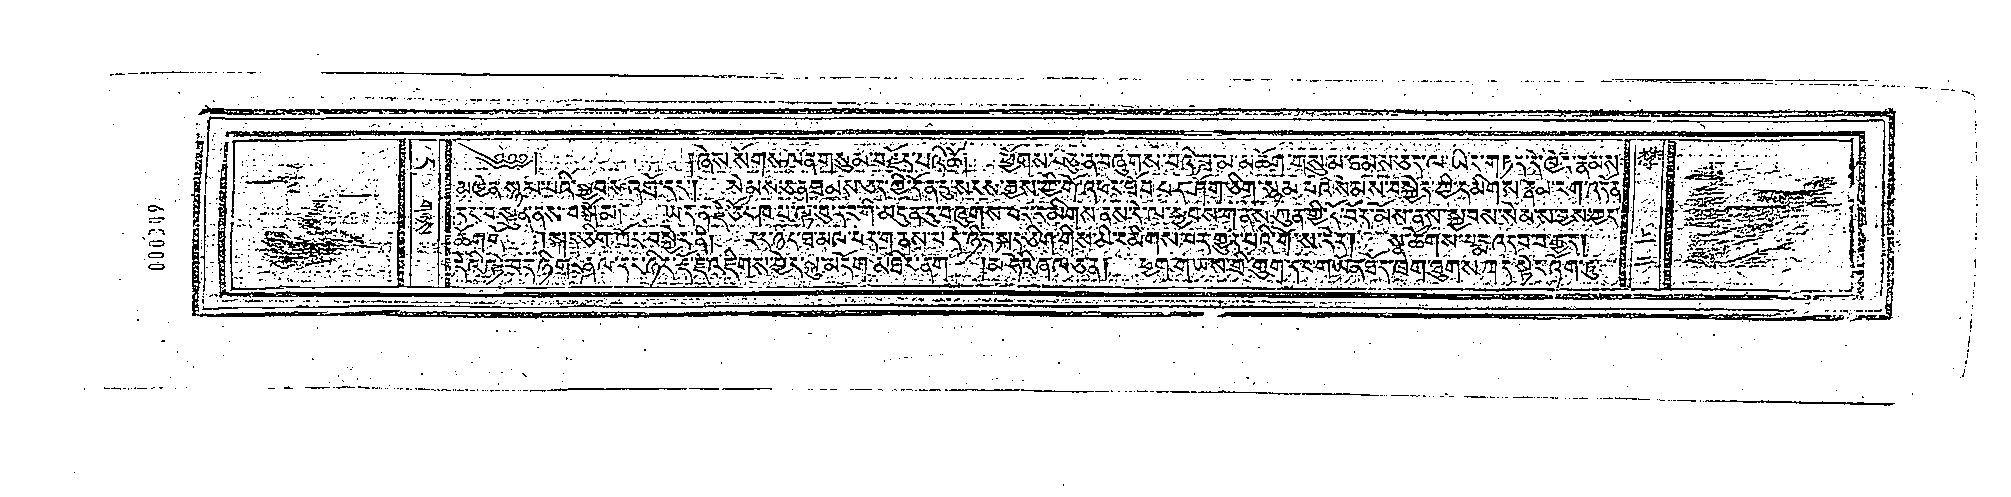༄༅༅། །ཞེས་སོགས་ལན་གསུམ་བརྗོད་པའི་ཚེ། ཕྱོགས་བཅུ་ན་བཞུགས་བའི་བླ་མ་མཆོག་གསུམ་ཐམས་ཅད་ལ་ཡིད་གཏད་དེ་བྱེད་རྣམས་
མཁྱེན་སྙམ་པའི་སྐྱབས་འགྲོ་དང་། སེམས་ཅན་ཐམས་ཅད་ཀྱི་དོན་དུ་སངས་རྒྱས་ཀྱི་གོ་འཕང་ཐོབ་པར་ཤོག་ཅིག་སྙམ་པའི་སེམས་བསྐྱེད་ཀྱི་དམིགས་རྣམ་དག་འདོན་
དང་བསྟུན་ནས་བསྒོམ། ཡང་ན་རྗེ་ཙོང་ཁ་པ་ལྟ་བུ་རང་གི་མདུན་དུ་བཞུགས་པར་དམིགས་ནས་དེ་ལ་སྐྱབས་གནས་ཀུན་གྱི་ངོ་བོར་མོས་ནས་སྐྱབས་སེམས་བྱས་ཀྱང་
ཆོག་གོ །སྐད་ཅིག་ཀྲོད་བསྐྱེད་ནི། རང་ཉིད་ཐ་མལ་པར་གནས་པ་དེ་ཉིད་སྐད་ཅིག་གིས་མི་དམིགས་པར་གྱུར་པའི་གོ་ས་དེར། སྣ་ཚོགས་པདམ་འདབ་བརྒྱད།
དེའི་ལྟེ་བར་ཉི་གདན་ལ་རང་ཉིད་རྡོ་རྗེ་འཇིགས་བྱེད་སྐུ་མདོག་མཐིང་ནག །མ་ཧེའི་ཞལ་ཅན། ཕྱག་གཡས་གྲི་གུག་དང་གཡོན་ཐོད་ཁྲག་ཐུགས་ཀར་སྟེང་འོག་ཏུ་